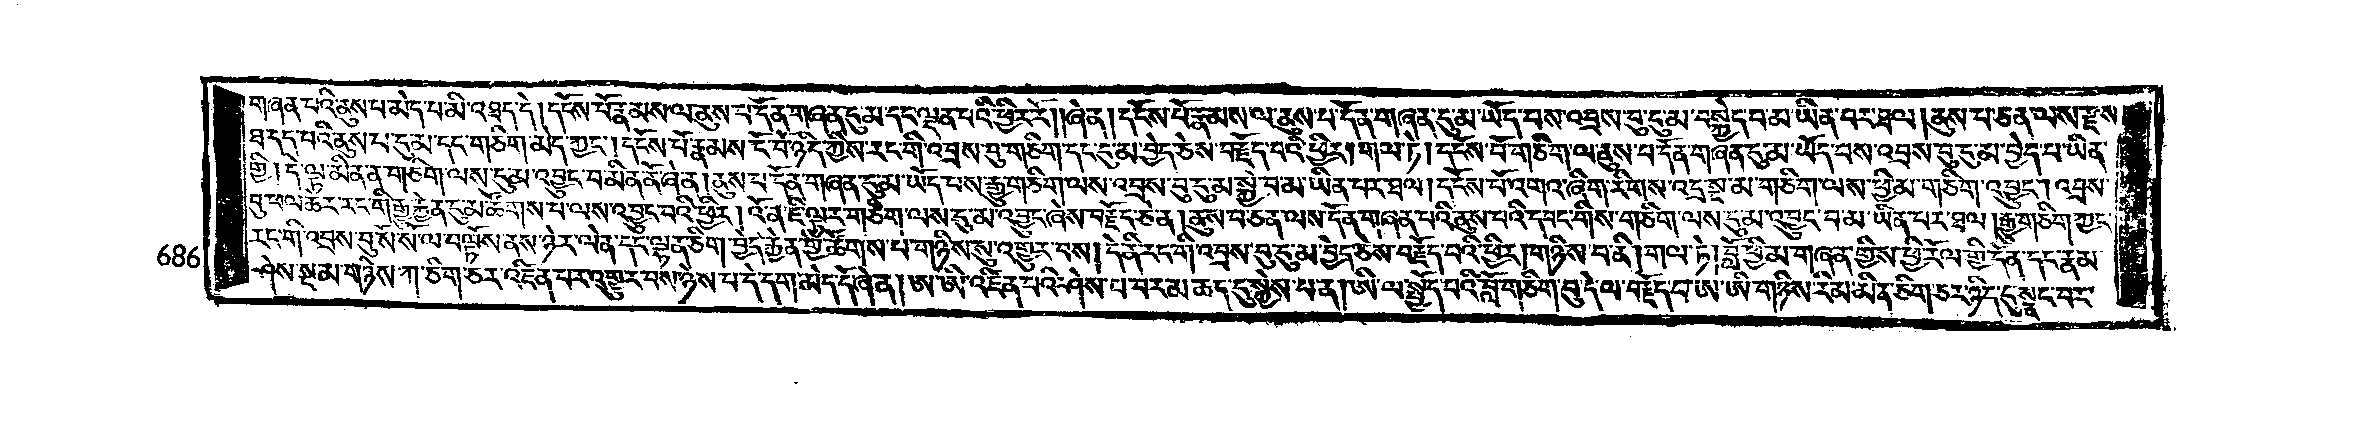གཞན་པའི་ནུས་པ་མེད་པ་མི་འཐད་དེ། དངོས་པོ་རྣམས་ལ་ནུས་པ་དོན་གཞན་དུ་མ་དང་ལྡན་པའི་ཕྱིར་རོ། །ཞེ་ན། དངོས་པོ་རྣམས་ལ་ནུས་པ་དོན་གཞན་དུ་མ་ཡོད་པས་འབྲས་བུ་དུ་མ་བསྐྱེད་བ་མ་ཡིན་པར་ཐལ། ནུས་པ་ཅན་ལས་རྫས་
ཐ་དད་པའི་ནུས་པ་དུ་མ་དང་གཅིག་མེད་ཀྱང་། དངོས་པོ་རྣམས་ངོ་བོ་ཉིད་ཀྱིས་རང་གི་འབྲས་བུ་གཅིག་དང་དུ་མ་བྱེད་ཅེས་བརྗོད་པའི་ཕྱིར། གལ་ཏེ། དངོས་པོ་གཅིག་ལ་ནུས་པ་དོན་གཞན་དུ་མ་ཡོད་པས་འབྲས་བུ་དུ་མ་བྱེད་པ་ཡིན་
གྱི། དེ་ལྟ་མིན་ན་གཅིག་ལས་དུ་མ་འབྱུང་བ་མིན་ནོ་ཞེ་ན། ནུས་པ་དོན་གཞན་དུ་མ་ཡོད་པས་རྒྱུ་གཅིག་ལས་འབྲས་བུ་དུ་མ་སྐྱེ་བ་མ་ཡིན་པར་ཐལ། དངོས་པོ་འགའ་ཞིག་རིགས་འདྲ་སྔ་མ་གཅིག་ལས་ཕྱི་མ་གཅིག་འབྱུང་། འབྲས་
བུ་ཕལ་ཆེར་རང་གི་རྒྱུ་རྐྱེན་དུ་མ་ཚོགས་པ་ལས་འབྱུང་བའི་ཕྱིར། འོ་ན་ཇི་ལྟར་གཅིག་ལས་དུ་མ་འབྱུང་ཞེས་བརྗོད་ཅེ་ན། ནུས་པ་ཅན་ལས་དོན་གཞན་པའི་ནུས་པའི་དབང་གིས་གཅིག་ལས་དུ་མ་འབྱུང་བ་མ་ཡིན་པར་ཐལ། རྒྱུ་གཅིག་ཀྱང་
རང་གི་འབྲས་བུ་སོ་སོ་ལ་བལྟོས་ནས་ཉེར་ལེན་དང་ལྷན་ཅིག་བྱེད་རྐྱེན་གྱི་ཚོགས་པ་གཉིས་སུ་འགྱུར་བས། དེ་ནི་རང་གི་འབྲས་བུ་དུ་མ་བྱེད་ཅེས་བརྗོད་པའི་ཕྱིར། གཉིས་པ་ནི། གལ་ཏེ། བློ་ཕྱི་མ་གཞན་གྱིས་ཕྱི་རོལ་གྱི་དོན་དང་རྣམ་
ཤེས་སྔ་མ་གཉིས་ཀ་ཅིག་ཅར་འཛིན་པར་འགྱུར་བས་ཉེས་པ་དེ་དག་མེད་དོ་ཞེ་ན། ཨ་ཨི་འཛིན་པའི་ཤེས་པ་བར་མ་ཆད་དུ་སྐྱེས་པ་ན། ཨི་ལ་སྤྱོད་པའི་བློ་གཅིག་བུ་དེ་ལ་བརྗོད་པ་ཨ་ཨི་གཉིས་རིམ་མིན་ཅིག་ཅར་ཉིད་དུ་སྣང་བར་